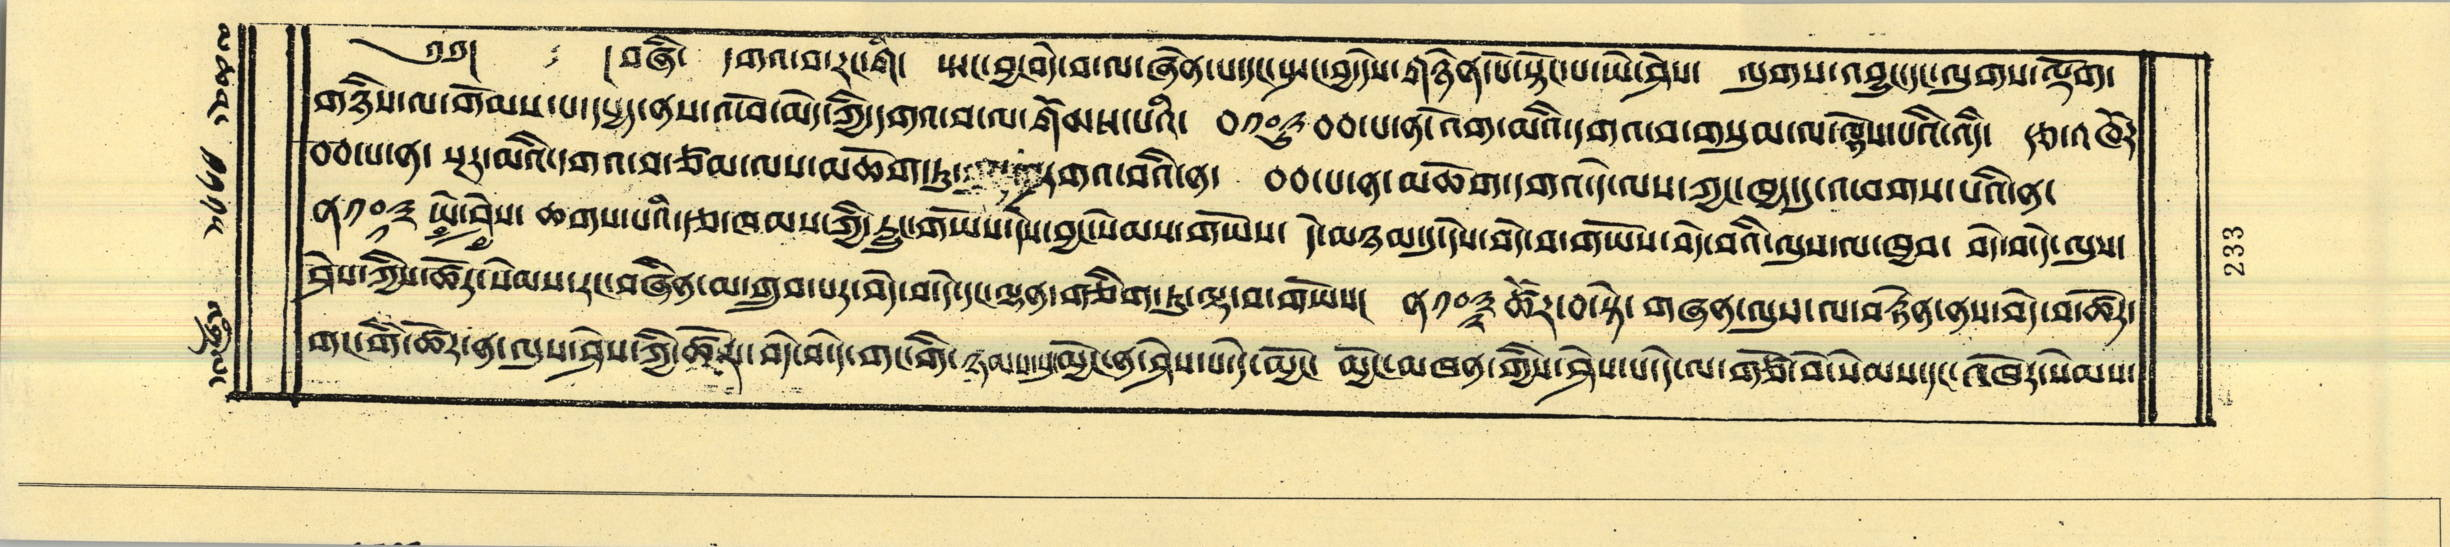བཞི་དགའ་བ་ ༼རང་གི་༽སྤང་བྱ་བདེ་བ་ལ་ཞེན་པ་དང་ ༼སྤང་༽བྱ་དེས་ ༼གཉེན་༽པོ་སྟོང་པ་ཡེ་ཤེས། ལུགས་འབྱུང་དང་ལུགས་ལྡོག་
གཉིས་ལ་གོམས་པ་དཔྱད་ནས་འཕོ་མེད་ཀྱི་དགའ་བ་ལ་ ༼གོམས་པའི་༽བ༡༠༢།༦ ༼བབ་པ་ན་༽འོག་མའི་དགའ་བ་གསུམ་ལ་ལྟོས་པའི་འདི་ ༼རྩ་འཁོར་
བབ་པ་ན་༽སྔར་མའི་དགའ་བ་ཙམ་ལས་མཆོག་ཏུ་་་་་་་དགའ་བའི་ན་ ༼བབ་པ་ན་༽མཆོག་དགའ་དེ་ལས་ཀྱང་ཁྱད་དུ་འཕགས་པའི་ན་
ན༡༠༣།༡ ཡེ་ཤེས་ཆགས་པའི་རྩ་ཁམས་ཀྱི་རླུང་གཡོས་དེ་བྱང་སེམས་གཡོས། དེ་མཉམ་དུ་དེས་བདེ་བ་གཡོས་བདེ་བའི་ལུས་ལ་ཁྱབ། བདེ་བ་དེ་ལུས་
ཤེས་ཀྱི་ཚོར་སེམས་རང་བཞིན་མ་གྲུབ་པར་བདེ་བ་དེ་དང་ལྷན་གཅིག་ཏུ་ལྟ་བ་གཡོས་ན༡༠༣།༢ ༼ཚོར་བ་སྟེ་༽གཞན་ལུས་ལ་བརྟེན་ནས་བདེ་བ་ཚོར་
གང་གི་ཚོར་ན་ལུས་ཤེས་ཀྱི་ཚོར། བདེ་བ་དེ་གང་གི་ཉམས་སུ་མྱོང་ན་ཤེས་པ་དེ་མྱོང། མྱོང་མཁན་གྱིས་ཤེས་པ་དེ་ལ་གཙོ་བོ་སེམས་དང་འཁོར་སེམས་